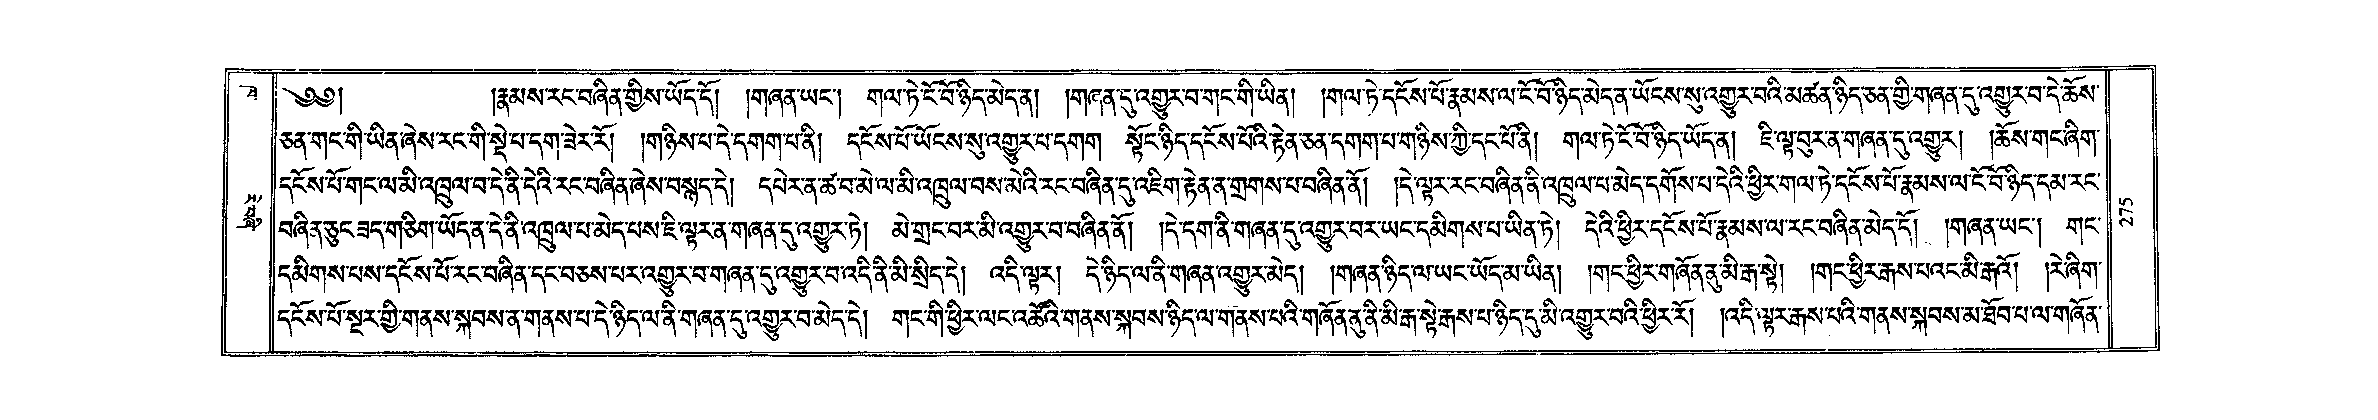༄༅། །རྣམས་རང་བཞིན་གྱིས་ཡོད་དོ། །གཞན་ཡང་། གལ་ཏེ་ངོ་བོ་ཉིད་མེད་ན། །གཞན་དུ་འགྱུར་བ་གང་གི་ཡིན། །གལ་ཏེ་དངོས་པོ་རྣམས་ལ་ངོ་བོ་ཉིད་མེད་ན་ཡོངས་སུ་འགྱུར་བའི་མཚན་ཉིད་ཅན་གྱི་གཞན་དུ་འགྱུར་བ་དེ་ཆོས་
ཅན་གང་གི་ཡིན་ཞེས་རང་གི་སྡེ་པ་དག་ཟེར་རོ། །གཉིས་པ་དེ་དགག་པ་ནི། དངོས་པོ་ཡོངས་སུ་འགྱུར་པ་དགག་སྟོང་ཉིད་དངོས་པོའི་རྟེན་ཅན་དགག་པ་གཉིས་ཀྱི་དང་པོ་ནི། གལ་ཏེ་ངོ་བོ་ཉིད་ཡོད་ན། ཇི་ལྟ་བུར་ན་གཞན་དུ་འགྱུར། །ཆོས་གང་ཞིག་
དངོས་པོ་གང་ལ་མི་འཁྲུལ་བ་དེ་ནི་དེའི་རང་བཞིན་ཞེས་བསྙད་དེ། དཔེར་ན་ཚ་བ་མེ་ལ་མི་འཁྲུལ་བས་མེའི་རང་བཞིན་དུ་འཇིག་རྟེན་ན་གྲགས་པ་བཞིན་ནོ། །དེ་ལྟར་རང་བཞིན་ནི་འཁྲུལ་པ་མེད་དགོས་པ་དེའི་ཕྱིར་གལ་ཏེ་དངོས་པོ་རྣམས་ལ་ངོ་བོ་ཉིད་དམ་རང་
བཞིན་ཅུང་ཟད་གཅིག་ཡོད་ན་དེ་ནི་འཁྲུལ་པ་མེད་པས་ཇི་ལྟར་ན་གཞན་དུ་འགྱུར་ཏེ། མེ་གྲང་བར་མི་འགྱུར་བ་བཞིན་ནོ། །དེ་དག་ནི་གཞན་དུ་འགྱུར་བར་ཡང་དམིགས་པ་ཡིན་ཏེ། དེའི་ཕྱིར་དངོས་པོ་རྣམས་ལ་རང་བཞིན་མེད་དོ། །གཞན་ཡང་། གང་
དམིགས་པས་དངོས་པོ་རང་བཞིན་དང་བཅས་པར་འགྱུར་བ་གཞན་དུ་འགྱུར་བ་འདི་ནི་མི་སྲིད་དེ། འདི་ལྟར། དེ་ཉིད་ལ་ནི་གཞན་འགྱུར་མེད། །གཞན་ཉིད་ལ་ཡང་ཡོད་མ་ཡིན། །གང་ཕྱིར་གཞོན་ནུ་མི་རྒ་སྟེ། །གང་ཕྱིར་རྒས་པའང་མི་རྒའོ། །རེ་ཞིག་
དངོས་པོ་སྔར་གྱི་གནས་སྐབས་ན་གནས་པ་དེ་ཉིད་ལ་ནི་གཞན་དུ་འགྱུར་བ་མེད་དེ། གང་གི་ཕྱིར་ལང་འཚོའི་གནས་སྐབས་ཉིད་ལ་གནས་པའི་གཞོན་ནུ་ནི་མི་རྒ་སྟེ་རྒས་པ་ཉིད་དུ་མི་འགྱུར་བའི་ཕྱིར་རོ། །འདི་ལྟར་རྒས་པའི་གནས་སྐབས་མ་ཐོབ་པ་ལ་གཞོན་